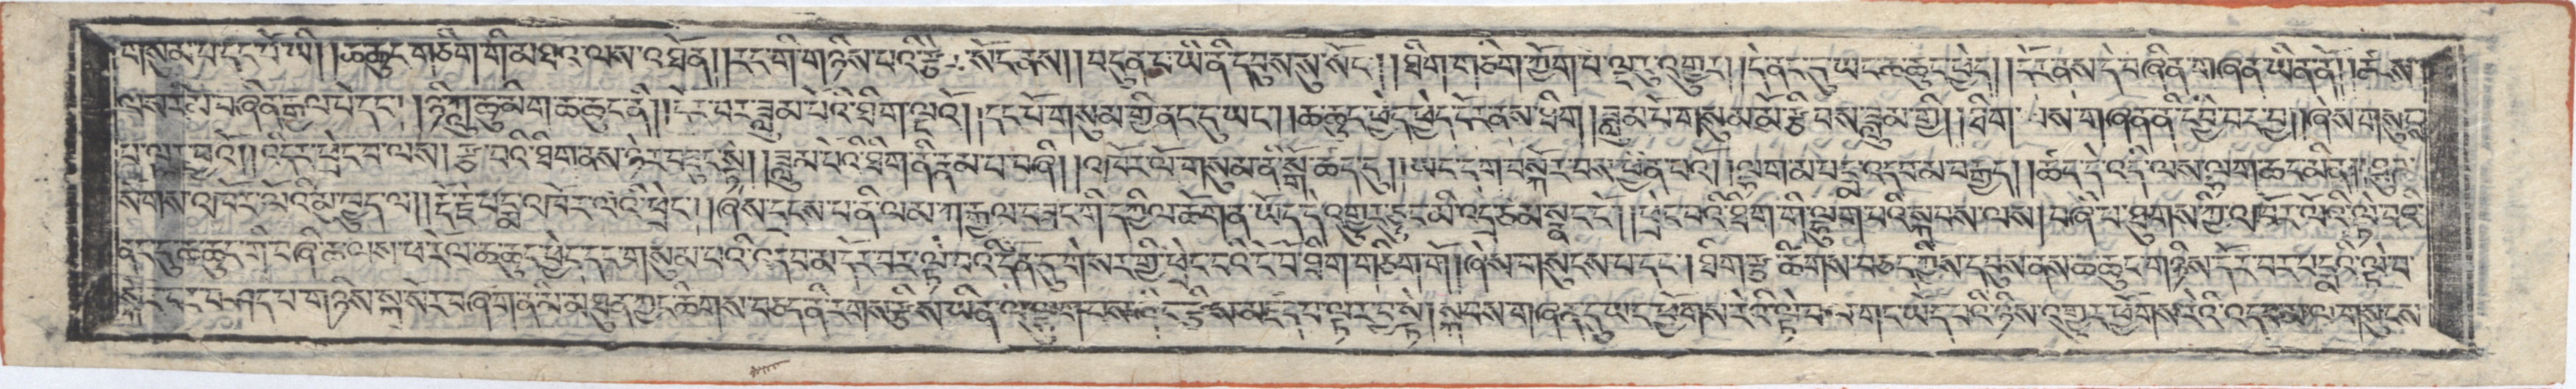གསུམ་པ་དང་པོ་ཡི། །ཆ་ཆུང་གཅིག་གི་མཐའ་ལས་འཐོན། །རང་གི་གཉིས་པའི་རྩེར་སོང་ནས། །བདུན་པ་ཡི་ནི་དབུས་སུ་སོང་། །ཐིག་གཅིག་ཀྱོག་པ་ལྔ་རུ་འགྱུར། །དེ་ནང་དུ་ཡང་ཆ་ཆུང་ཕྱེད། །དོར་ནས་དེ་བཞིན་གཞན་ཡིན་ནོ། །ཚངས་
ལས་རིམ་བཞིན་རྒྱལ་པོ་དང་། །ཉི་ཀླུ་ཆུ་མིག་ཆ་ཆུང་ནི། །དོར་བར་ཟླུམ་པོའི་ཐིག་ལྔའོ། །དང་པོ་གསུམ་གྱི་ནང་དུ་ཡང་། །ཆ་ཆུང་ཕྱེད་ཕྱེད་དོར་ནས་ཐིག །ཟླུམ་པོ་གསུམ་མོ་རྩི་བས་ཟླུམ་གྱི། །ཐིག་ལས་གཞན་ནི་དབྱི་བར་བྱ། །ཞེས་གསུངས་
པ་ལྟར་བྱའོ། །འདིར་ཕྲེང་བ་ལས། རྩ་བའི་ཐིག་ནས་ཉེར་བཟུང་སྟེ། །ཟླུམ་པོའི་ཐིག་ནི་རྣམ་པ་བཞི། །འཁོར་ལོ་གསུམ་ནི་སྒོ་ཚད་དུ། །ཡང་དག་བསྐོར་བས་ཕྱིན་པའོ། །ལྷག་མ་པདམ་འདབ་མ་བརྒྱད། །ཚད་དེ་འདི་ལས་ལྷག་ཆང་མིན། །ཐུཌ་
སོགས་འཁོར་ལོའི་མུ་ཁྱུད་ལ། །རྡོ་རྗེ་པདམ་འཁོར་ལོའི་ཕྲེང་། །ཞེས་དྲངས་པ་ནི་ལམ་ཀ་རྒྱལ་བཟང་གི་དཀྱིལ་ཆོག་ན་ཡོད་དེ་འགྱུར་ཅུང་མི་འདྲ་ཙམ་སྣང་ངོ། །ཕྲེང་བའི་ཐིག་གི་ལྷུག་པའི་སྐབས་ལས། བཞི་པ་ཐུགས་ཀྱི་འཁོར་ལོའི་ལྟེ་བའི་
ནང་དུ་ཆ་ཆུང་གི་བཞི་ཆ་ལས་ཕ་རོལ་ཆ་ཆུང་ཕྱེད་དང་གསུམ་པའི་འདབ་མདོར་བར་ལྟེ་བའི་དོན་དུ་གེ་སར་གྱི་ཕྲེང་བའི་ངོ་བོ་ཐིག་གཅིག་གོ །ཞེས་གསུངས་པ་དང་། ཐིག་རྩ་ཚིགས་བཅད་ཀྱིས་དབུས་ནས་ཆ་ཆུང་གཉིས་དོར་བར་པདམའི་ལྟེ་བ་
སྐོར་བར་བཤད་པ་གཉིས་སྐྲ་སོར་བཞག་ན་མི་མཐུན་ཀྱང་ཚིགས་བཅད་ནི་རགས་རྩིས་ཡིན་ལ་ལྷུག་པས་ཞིང་རྩིས་མཛད་པ་ལྟར་བྱ་སྟེ། སྐབས་གཞན་དུ་ཡང་ཕྱོགས་རེའི་ལྟེ་བ་ལ་གང་ཡོད་པའི་ཉིས་འགྱུར་ཕྱོགས་རེའི་འདབ་མ་ལ་གསུངས་